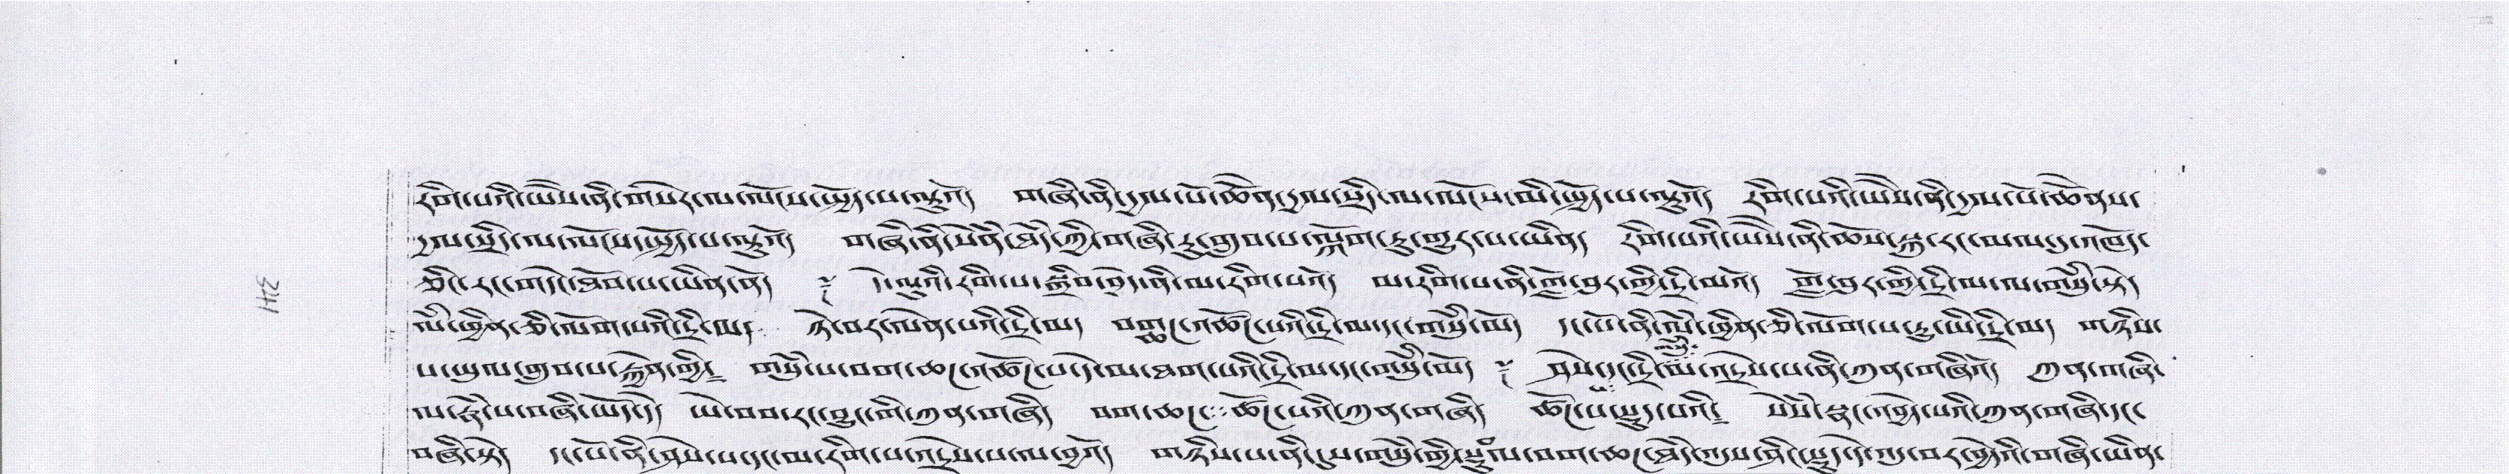རིག་པའི་ཡེ་ཤེས་ནི་གསེར་ལ་ལོངས་སྤྱོད་པ་ལྟ་བུའོ། གཞི་ནི་རྒྱལ་པོ་ཆེན་པོ་རྒྱལ་སྲིད་ལ་ལོངས་མི་སྤྱོད་པ་ལྟ་བུའོ། རིག་པའི་ཡེ་ཤེས་ནི་རྒྱལ་པོ་ཆེན་པོས་
རྒྱལ་སྲིད་ལ་ལོངས་སྤྱོད་པ་ལྟ་བུའོ། གཞི་ནི་སེམས་ཅན་ཐམས་ཅད་ཀྱི་གཞི་རུ་གྲུབ་པ་ལྐོག་ཏུ་གྱུར་པ་ཡིན། རིག་པའི་ཡེ་ཤེས་ནི་ཆོས་སྐུ་རང་མལ་དུ་འཁོད་
ཅིང་རང་གདེང་ཐོབ་པ་ཡིན་ནོ། ༑ དེ་ལྟ་བུའི་རིག་པ་སྒྲིབ་བྱེད་ནི་མ་རིག་པའོ། མ་རིག་པ་ནི་གློ་བུར་གྱི་དྲི་མའོ། གློ་བུར་གྱི་དྲི་མ་ལ་གསུམ་སྟེ། 
ལམ་ཕྱིན་ཅི་ལོག་པའི་དྲི་མ། ཉེ་བར་ལེན་པའི་དྲི་མ། བག་ཆགས་འཚོགས་པའི་དྲི་མ་དང་གསུམ་མོ། དང་པོ་ནི་ལམ་ཕྱིན་ཅི་ལོག་པ་རྒྱུ་ཡི་དྲི་མ། གཉིས་
པ་ཡུལ་གྲུབ་པ་རྐྱེན་གྱི། གསུམ་པ་བག་ཆགས་འཚོགས་པ་དེ་མ་ཐག་པའི་དྲི་མ་དང་གསུམ་མོ། ༑ ཤེས་པ་དང་དྲི་གསུམ་མ་འདྲེས་པ་ནི་ཀུན་གཞིའོ། ཀུན་གཞི་
ལ་རྣམ་པ་བཞི་ཡོད་དེ། ཡེ་བབ་རང་བྱུང་གི་ཀུན་གཞི། བག་ཆགས་ཚོགས་པའི་ཀུན་གཞི། ཚོགས་པ་སྡུད་པའི་ཀུན་གཞི། སེམས་སྣང་འབྱེད་པའི་ཀུན་གཞི་དང་
བཞི་སྟེ། དང་པོ་ནི་ཤེས་པ་དང་མ་རིག་པ་འདྲེས་པ་ལ་བྱའོ། གཉིས་པ་ནི་དུས་གསུམ་གྱི་སྡུག་བསྔལ་བག་ཆགས་ཐམས་ཅད་འདུས་ཤིང་སྡུད་དེ་འདུ་བར་བྱེད་པའི་གཞི་ཡིན་